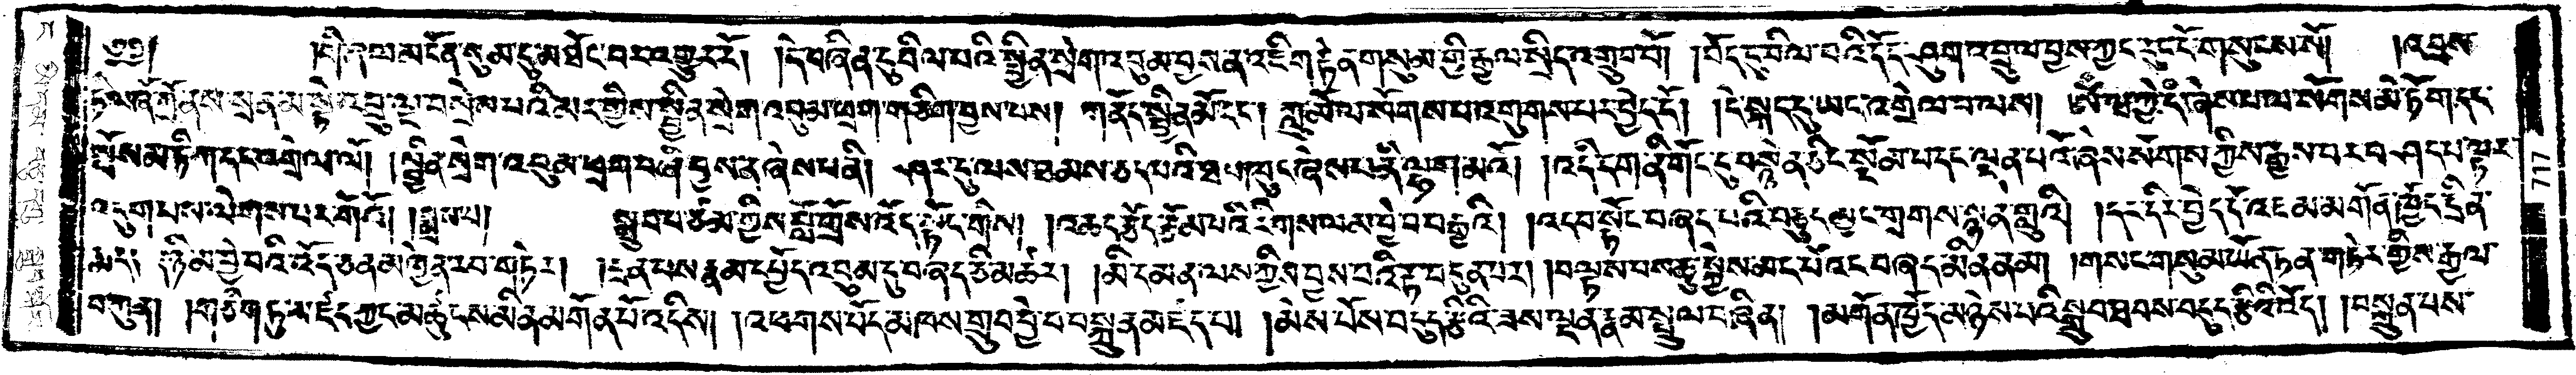༄༅། །གི་ཞལ་མངོན་སུམ་དུ་མཐོང་བར་འགྱུར་རོ། །དེ་བཞིན་དུ་བི་ལ་པའི་སྤྱིན་སྲེག་འབུམ་བྱས་ན་འཇིག་རྟེན་གསུམ་གྱི་རྒྱལ་སྲིད་འགྲུབ་བོ། །བོད་དུ་བིལ་བའི་དོད་ཤུག་འབྲུལ་བྱས་ཀྱང་རུང་ངོ་གསུངས་སོ། །འབྲལ་
ཏིལ་ཞོ་གྲོ་ནས་སྲན་མ་སྟེ་འབྲུ་ལྔ་བསྲེས་པའི་མར་གྱིས་སྦྱིན་སྲེག་འབུམ་ཕྲག་གཅིག་བྱས་པས། གནོད་སྤྱིན་མོ་དང་། གླུ་མོ་ལ་སོགས་པ་འགུགས་པར་བྱེད་དེ། །དེ་སྐད་དུ་ཡང་འགྲེལ་པ་ལས། ཨོཾ་ཝ་ཀྱེ་དཾ་ཞེས་པ་ལ་སོགས་མེ་ཏོག་དང་
སྤོས་མ་ཏི་ཀ་དང་འགྲེལ་ལོ། །སྦྱིན་སྲེག་འབུམ་ཕྲག་བཞི་བྱས་ན་ཞེས་པ་ནི། ཤར་དུ་ལས་ཐམས་ཅད་པའི་ཐབ་ཁུང་ཞེས་པ་ནི་ལྷག་མའོ། །འདི་དག་ནི་གོང་དུ་བསྙེན་ཅིང་སྔོམ་པ་དང་ལྡན་པའོ་ཞེས་སོགས་ཀྱིས་རྒྱས་བར་བཤད་པ་ལྟ་
འདུག་པས་ལེགས་པར་གོའོ། །སྨྲས་པ། སྒྲུབ་པ་ཙམ་གྱིས་བློ་གྲོས་འོད་སྟོང་གིས། །འཆད་རྩོད་རྩོམ་པའི་རིགས་ལམ་བྱེ་བ་བརྒྱའི། །འདབ་སྟོང་བཞད་པའི་བཅུད་མྱང་གྲགས་སྙན་གླུའི། །དར་དིར་བྱེད་དོ་འཇམ་མགོན་ཁྱོད་དྲིན་
རྨད༑ ༑ཉི་མ་བྱེ་བའི་འོད་ཅན་མཁྱེན་རབ་ཏེར། །དྲན་པས་རྣམ་དཔྱོད་འབུམ་དུ་བཞད་ཅི་མཚར། །མི་དམན་ལས་ཀྱིས་བྱས་པའི་རྟ་བདུན་པར། །བལྟས་བས་ཆུ་སྐྱེས་མང་པོའང་བཞད་མིན་ནམ། །གསང་གསུམ་ཡོན་ཏན་གཏེར་གྱས་རྒྱལ་
བ་ཀུན། །གཅིག་ཏུ་མཛད་ཀྱང་མཚུངས་མིན་མགོན་པོ་འདིས། །འཕགས་པོད་མཁས་གྲུབ་བྱེ་བ་བསྐྲུན་མཛད་པ། །མེས་པོས་བདུད་རྩིའི་ཟས་ལྡན་རྣམ་སྤྲུལ་བཞིན། །མགོན་ཁྱོད་མཉེས་པའི་སྒྲུབ་ཐབས་བདུད་རྩིའི་འོད། །བསྐྲུན་པས་